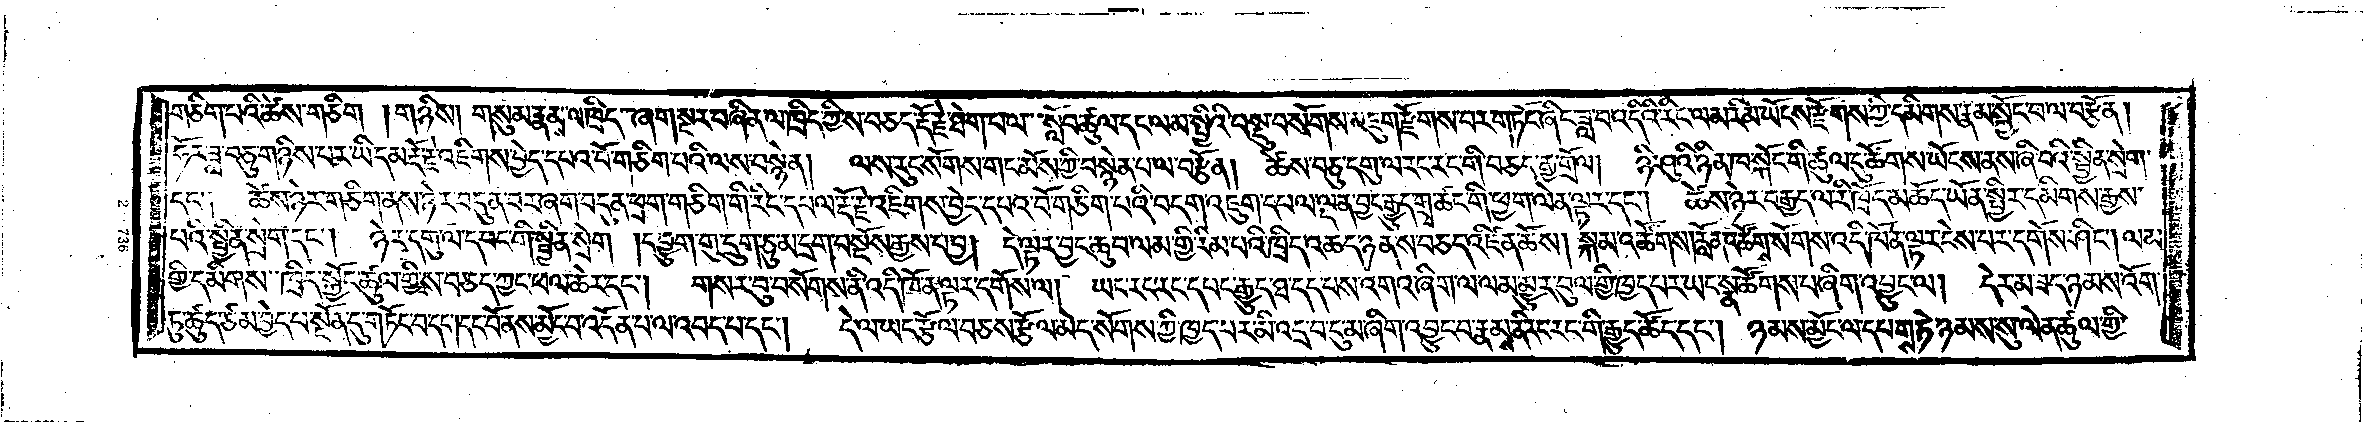གཅིག་པའི་ཚེས་གཅིག །གཉིས། གསུམ་རྣམས་ལ་ཁྲིད་ཞག་སྔར་བཞིན་ལ་ཁྲིད་ཀྱིས་བཅད་རྡོ་རྗེ་ཐེག་པ་ལ་སློབ་ཚུལ་དང་ལམ་སྤྱིའི་བསྡུ་བ་སོགས་མཇུག་རྫོགས་བར་གཏོང་ཞིང་ཟླ་བ་འདིའི་རིང་ལམ་རིམ་ཡོངས་རྫོགས་ཀྱི་དམིགས་རྣམ་སྐྱོང་བ་ལ་བརྩོན།
ཧོར་ཟླ་བཅུ་གཉིས་པར་ཡིད་མ་རྡོ་རྗེ་འཇིགས་བྱེད་དཔའ་བོ་གཅིག་པའི་ལས་བསྙེན། ལས་རུང་སོགས་གང་མོས་ཀྱི་བསྙེན་པ་ལ་བརྩོན། ཚེས་བཅུ་དགུ་ལ་རང་རང་གི་བཅད་རྒྱ་གྲོལ། ཉི་ཤུའི་ཉིན་ཁ་སྐོང་གི་ཚུལ་དུ་ཚོགས་ཡོངས་ནས་ཞི་བའི་སྦྱིན་སྲེག་
དང༑ ཚེས་ཉེར་གཅིག་ནས་ཉེར་བདུན་བར་ཞག་བདུན་ཕྲག་གཅིག་གི་རིང་དཔལ་རྡོ་རྗེ་འཇིགས་བྱེད་དཔའ་བོ་གཅིག་པའི་བདག་འཇུག་དཔལ་ལྡན་བྱང་རྒྱུད་གྲྭ་ཚང་གི་ཕྱག་ལེན་ལྟར་དང་། ཚེས་ཉེར་བརྒྱད་ལ་རི་ཁྲོད་མཆོད་ཡོན་སྤྱིར་དམིགས་རྒྱས་
པའི་སྦྱིན་སྲེག་དང་། ཉེར་དགུ་ལ་དབང་གི་སྦྱིན་སྲེག །དབྱུག་གུ་དྲུག་ཅུ་མ་དྲག་བསྔོས་རྒྱས་པ་བྱ། དེ་ལྟར་བྱང་ཆུབ་ལམ་གྱི་རིམ་པའི་ཁྲིད་འཆད་ཉན་ས་བཅད་འཛིན་ཆོས། སྐམ་འཚོགས། རློན་ཚོགས་སོགས་འདི་ཁོ་ན་ལྟར་ངེས་པར་དགོས་ཤིང་། ལམ་
གྱི་དམིགས་ཁྲིད་སྐྱོང་ཚུལ་གྱིས་བཅད་ཀྱང་ཕལ་ཆེར་དང་། གསར་བུ་བ་སོགས་ནི་འདི་ཁོ་ན་ལྟར་དགོས་ལ། ཡང་རང་རང་དབང་རྒྱུད་ཐ་དད་པས་འགའ་ཞིག་ལ་ལམ་མྱུར་བུལ་གྱི་ཁྱད་པར་ཡང་སྣ་ཚོགས་པ་ཞིག་འབྱུང་ལ། དེར་མ་ཟད་ཉམས་འོག་
ཏུ་ཚུད་ཙམ་བྱེད་པ་སྔོན་དུ་གཏོང་བ་དང་། དང་པོ་ནས་མྱོང་བ་འདོན་པ་ལ་འབད་པ་དང་། དེ་ལ་ཡང་རྩོལ་བཅས་རྩོལ་མེད་སོགས་ཀྱི་ཁྱད་པར་མི་འདྲ་བ་དུ་མ་ཞིག་འབྱུང་བ་རྣམས་ནི་རང་རང་གི་རྒྱུད་ཚོད་དང་། ཉམས་མྱོང་ལ་དཔགས་ཏེ་ཉམས་སུ་ལེན་ཚུལ་གྱི་